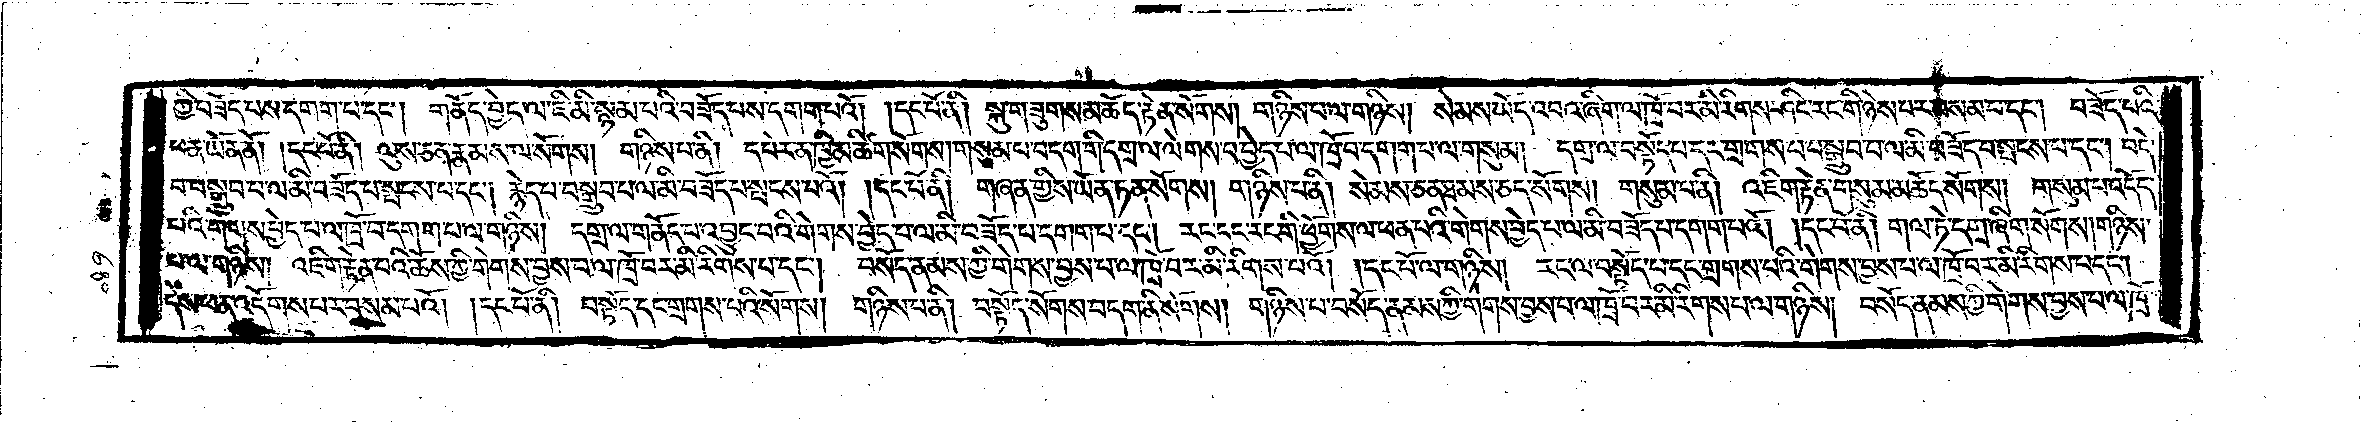ཀྱི་བཟོད་པས་དགག་པ་དང་། གནོད་བྱེད་ལ་ཇི་མི་སྙམ་པའི་བཟོད་པས་དགག་པའོ། །དང་པོ་ནི། སྐུ་གཟུགས་མཆོད་རྟེན་སོགས། གཉིས་པ་ལ་གཉིས། སེམས་ཡོད་འབའ་ཞིག་ལ་ཁྲོ་བར་མི་རིགས་ཤིང་རང་གི་ཉེས་པར་བསམ་པ་དང་། བཟོད་པའི་
ཕན་ཡོན་ནོ། །དང་པོ་ནི། ལུས་ཅན་རྣམས་ལ་སོགས། གཉིས་པ་ནི། དཔེར་ན་ཁྱིམ་ཚིག་སོགས། གསུམ་པ་བདག་གི་དགྲ་ལ་ལེགས་པ་བྱེད་པ་ལ་ཁྲོ་བ་དགག་པ་ལ་གསུམ། དགྲ་ལ་བསྟོད་པ་དང་གྲགས་པ་བསྒྲུབ་པ་ལ་མི་བཟོད་པ་སྤངས་པ་དང་། བདེ་
པ་བསྒྲུབ་པ་ལ་མི་བཟོད་པ་སྤངས་པ་དང་། རྙེད་པ་བསྒྲུབ་པ་ལ་མི་བཟོད་པ་སྤངས་པའོ། །དང་པོ་ནི། གཞན་གྱིས་ཡོན་ཏན་སོགས། གཉིས་པ་ནི། སེམས་ཅན་ཐམས་ཅད་སོགས། གསུམ་པ་ནི། འཇིག་རྟེན་གསུམ་མཆོད་སོགས། གསུམ་པ་འདོད་
པའི་གགས་བྱེད་པ་ལ་ཁྲོ་བ་དགག་པ་ལ་གཉིས། དགྲ་ལ་གནོད་པ་འབྱུང་བའི་གེགས་བྱེད་པ་ལ་མི་བཟོད་པ་དགག་པ་དང་། རང་དང་རང་གི་ཕྱོགས་ལ་ཕན་པའི་གེགས་བྱེད་པ་ལ་མི་བཟོད་པ་དགག་པའོ། །དང་པོ་ནི། གལ་ཏེ་དགྲ་ཞིག་སོགས། གཉིས་
པ་ལ་གཉིས། འཇིག་རྟེན་པའི་ཆོས་ཀྱི་གེགས་བྱས་པ་ལ་ཁྲོ་བར་མི་རིགས་པ་དང་། བསོད་ནམས་ཀྱི་གེགས་བྱས་པ་ལ་ཁྲོ་བར་མི་རིགས་པའོ། །དང་པོ་ལ་གཉིས། རང་ལ་བསྟོད་པ་དང་གྲགས་པའི་གེགས་བྱས་པ་ལ་ཁྲོ་བར་མི་རིགས་པ་དང་།
དེས་ཕན་འདོགས་པར་བསམ་པའོ། །དང་པོ་ནི། བསྟོད་དང་གྲགས་པའི་སོགས། གཉིས་པ་ནི། བསྟོད་སོགས་བདག་ནི་སོགས། གཉིས་པ་བསོད་ནམས་ཀྱི་གེགས་བྱས་པ་ལ་ཁྲོ་བར་མི་རིགས་པ་ལ་གཉིས། བསོད་ནམས་ཀྱི་གེགས་བྱས་པ་ལ་ཁྲོ་